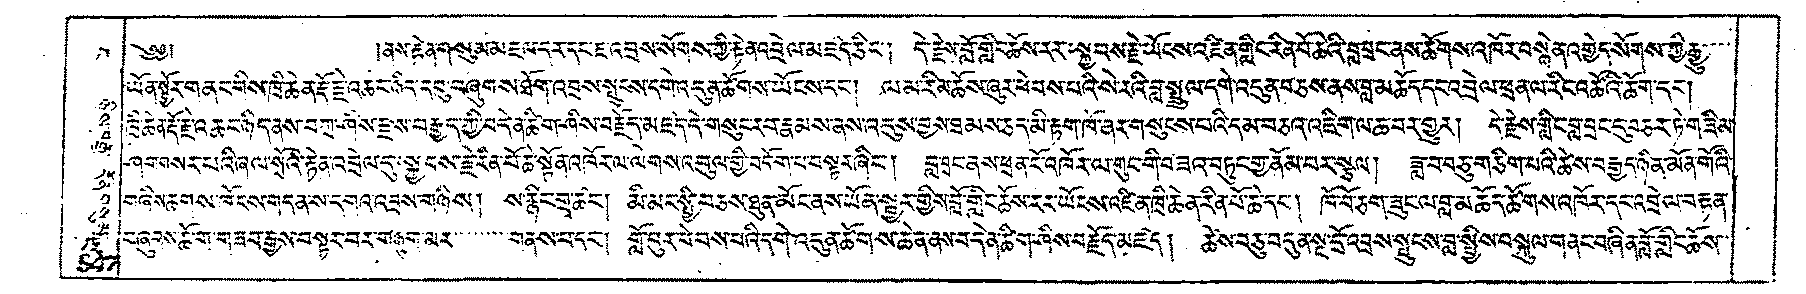༄༅། །ནས་རྟེན་གསུམ་མཇལ་དར་དང་ཇ་འབྲས་སོགས་ཀྱི་རྟེན་འབྲེལ་མཛད་ཅིང་། དེ་རྗེས་བློ་གླིང་ཆོས་རར་༧སྐྱབས་རྗེ་ཡོངས་འཛིན་གླིང་རིན་པོ་ཆེའི་བླ་བྲང་ནས་ཚོགས་འཁོར་བསྙེན་འགྱེད་སོགས་ཀྱི་རྒྱུ་
ཡོན་སྦྱོར་གནང་གིས་ཁྲི་ཆེན་རྡོ་རྗེ་འཆང་ཉིད་དབུ་བཞུགས་ཐོག་འབྲས་སྤུངས་དགེ་འདུན་ཚོགས་ཡོངས་དང་། ལམ་རིམ་ཆོས་ཞུར་ཕེབས་པའི་སེ་རའི་བླ་སྤྲུལ་དགེ་འདུན་བཅས་ནས་བླ་མཆོད་དང་འབྲེལ་ཕྲན་ལ་རིང་འཚོའི་ཆོ་ག་དང་།
ཁྲི་ཆེན་རྡོ་རྗེ་འཆང་ཉིད་ནས་བཀྲ་ཤིས་རྫས་བརྒྱད་ཀྱི་བདེན་ཚིག་ཤིས་བརྗོད་མཛད་དེ་གསུང་རབ་རྣམས་ནས་འདུས་བྱས་ཐམས་ཅད་མི་རྟག་ཁོ་ནར་གསུངས་པའི་དམ་བཅའ་འཇིག་ལ་ཆ་བར་གྱུར། དེ་རྗེས་གླིང་བླ་བྲང་དུ་བཅར་ཏེ་གཟིམ་
ཤག་གསར་པའི་ཞལ་སྲོའི་རྟེན་འབྲེལ་དུ་༧སྐྱབས་རྗེ་རིན་པོ་ཆེ་སྟོན་འཁོར་ལ་ལེགས་འབུལ་གྱི་བདོག་པ་བསྟར་ཞིང་། བླ་བྲང་ནས་ཕྲན་ངོ་འཁོར་ལ་གུང་གི་བཟའ་བཏུང་གྱ་ནོམ་པར་སྩལ། ཟླ་བ་བཅུ་གཅིག་པའི་ཚེས་བརྒྱད་ཉིན་མོན་གོའི་
གཞིས་ཆགས་ཁོངས་གདན་ས་དགའ་འབྲས་གཉིས། ས་རྙིང་གྲྭ་ཚང་། མི་མང་སྤྱི་བཅས་ཐུན་མོང་ནས་ཡོན་སྦྱར་གྱིས་བློ་གླིང་ཆོས་རར་ཡོངས་འཛིན་ཁྲི་ཆེན་རིན་པོ་ཆེ་དང་། ཁོ་བོ་ཅག་ཟུང་ལ་བླ་མཆོད་ཚོགས་འཁོར་དང་འབྲེལ་བརྟན་
བཞུགས་ཆོ་ག་གཟབ་རྒྱས་བསྟར་བར་གཉུག་མར་གནས་པ་དང་། གློ་བུར་ཕེབས་པའི་དགེ་འདུན་ཚོགས་ཆེན་ནས་བདེན་ཚིག་ཤིས་བརྗོད་མཛད། ཚེས་བཅུ་བདུན་སྔ་དྲོ་འབྲས་སྤུངས་བླ་སྤྱིས་བསྐུལ་གནང་བཞིན་བློ་གླིང་ཆོས་